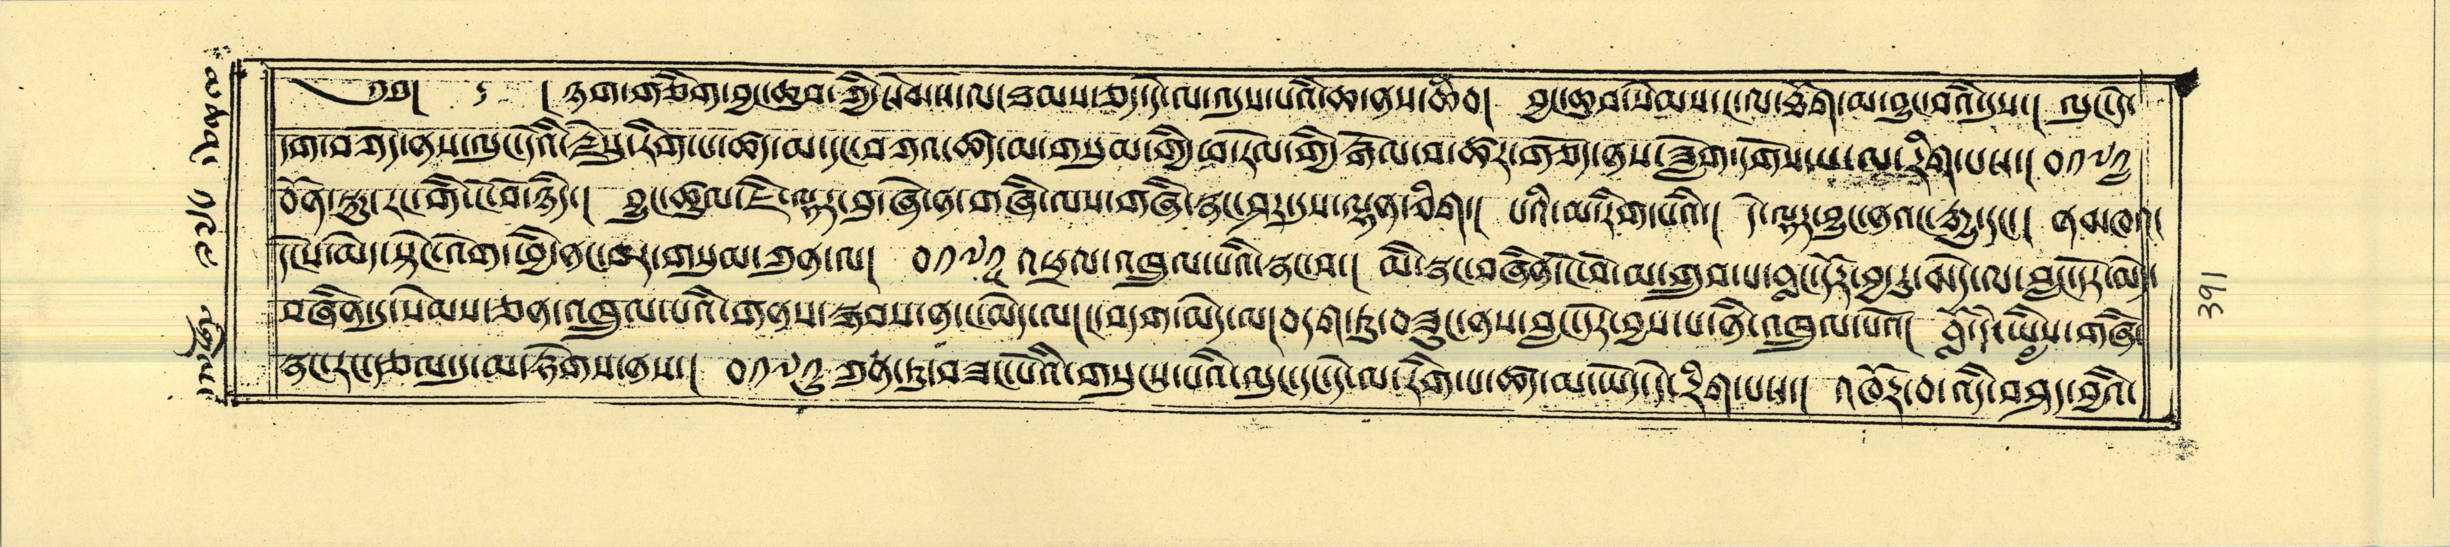ཉག་གཅིག་བྱང་ཆུབ་ཀྱི་ ༼སེམས་ལ་༽ཐམས་ཅད་དེ་ལ་འདུས་པའི་ཆ་ནས་ ༼ཆིབ།༽བྱང་ཆུབ་སེམས་ ༼ང་ལ་ཐོག་མ་༽བྱུང་བའི་དུས། ལུང་དེ་
དག་བཀོད་ནས་ལུང་དེའི་རྗེས་སུ་རིག་པ་ཚད་མ་དང་བཀའ་ཚད་མ་གསུམ་གྱི་ཕ་རོལ་གྱི་རྒོལ་བ་ཚར་གཅོད་ནས་ཟློག་དགོས་པ་ལ་ ༼རིག་པས།༽བ༡༧༡།༤ 
༼བོན་སྐུ་༽རང་གི་ངོ་བོ་ཉིད། བྱུང་ཚུལ་ཇི་ལྟར་བུ་ཞེ་ན་གཞི་ལས་གཞི་སྣང་ཤར་དུས་ ༼ལྷན་ཅིག༽ ༼པའི་༽མ་རིག་པའི། དེ་ལྟར་བྱུང་ནའང་ ༼རྒྱུ་དང།༽ ༼ནམ་མཁའ་༽
དངོས་མེད་སྟེང་འོག་ཕྱི་ནང་བར་གསུམ་ཀུན་ལ། བ༡༧༡།༥ ༼འཕྲལ་༽འཁྲུལ་པའི་སྣང་བ། མི་སྣང་བཞིན་ངོ་བོ་མ་གྲུབ་པ་ ༼བླང་དོར་བྱ་རུ་མེད་ལ་༽བླང་དོར་མེད་
བཞིན་དུ་སེམས་ཅན་འཁྲུལ་པའི་གནས་སྐབས་ན་ང་མེད་ལ། ང་བདག་མེད་ལ། ༼བདག་ཏུ་བཟུང་༽ནས་བླང་དོར་བྱས་པ་ནི་འཁྲུལ་པའོ། ༼བློ་༽དེ་ཡིས་གཞི་
སྣང་རང་རྩལ་དུ་མ་རྟོགས་ནས། བ༡༧༡།༦ ཀུན་ཏུ་བཟང་པོའི་གསུངས་པའི་ལུང་དང་དེ་ལ་རིག་པ་ཚད་མ་ཡོད་དེ་ ༼རིག་པས།༽ ༼འཁོར་བ་༽འདི་བཤད་བྱའི་